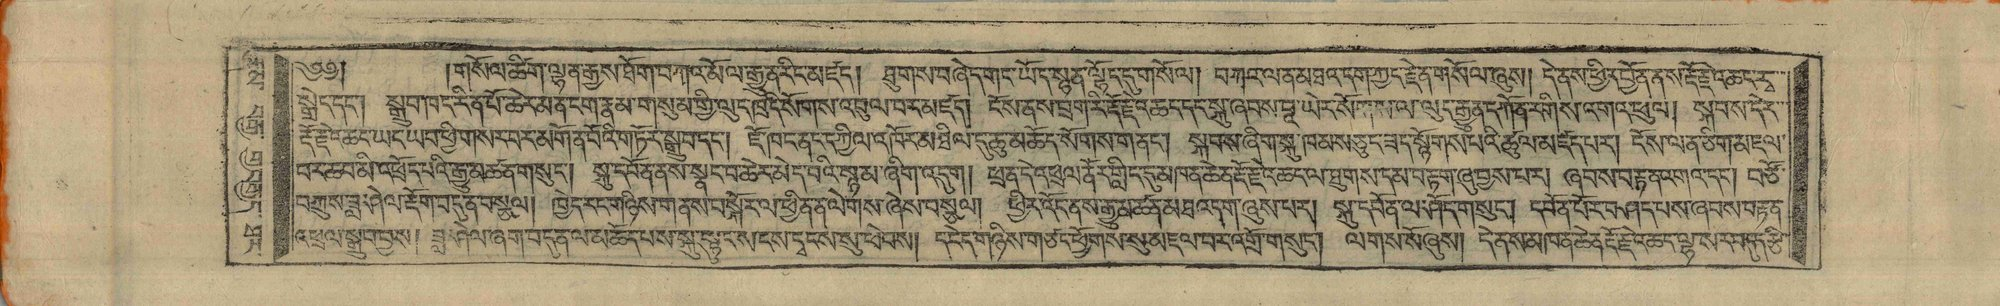༄༅། །གསོལ་ཚིག་ལྷན་རྒྱས་ཐོག་བཀའ་མོལ་རྒྱུན་རིང་མཛད། ཐུགས་བཞེད་གང་ཡོད་སྙན་ལྷོང་དུ་གསོལ། བཀའ་ལན་མཐའ་དག་ཀྱང་རྗེན་གསོལ་ཞུས། དེ་ནས་ཕྱིར་བྱོན་ནས་རྡོ་རྗེ་འཆང་རྭ་
སྒྲེང་དང་། སྒྲུབ་ཁང་རིན་པོ་ཆེར་མན་ངག་རྣམ་གསུམ་གྱི་ལུང་ཁྲིད་སོགས་འབུལ་བར་མཛད། ངོས་ནས་བྲག་རི་རྡོ་རྗེ་འཆང་དང་སྐུ་ཞབས་བཱ་ཡེར་སོགས་ལ་ལུང་རྒྱུན་དཀོན་རིགས་འགའ་ཕུལ། སྐབས་དེར་
རྡོ་རྗེ་འཆང་ཡང་ཡབ་ཕྱི་གསར་བར་མགོན་པོའི་གཏོར་སྒྲུབ་དང་། ཇོ་ཁང་ནང་དཀྱིལ་འཁོར་མཐིལ་དུ་ཆུ་མཆོད་སོགས་གནང་། སྐབས་ཞིག་སྐུ་ཁམས་ཅུང་ཟད་སྙོགས་པའི་ཚུལ་མཛད་པར། ངོས་ལན་ཅིག་མཇལ་
བར་ཆབ་མི་འཕྲོད་པའི་རྒྱུ་མཚན་གསུང་། སྐུ་དཔོན་ནས་སྣང་བ་ཆེར་མེད་པའི་སྙམ་ཞིག་འདུག །ཕྲན་དེ་འཕྲལ་ནོར་གླིང་དུ་མཁན་ཆེན་རྡོ་རྗེ་འཆང་ལ་ཐུགས་དམ་བརྟག་ཞུ་བྱས་པར། ཞབས་བརྟན་འགའ་དང་། བཙོ་
བཀྲུས་ཟླ་ཤེལ་རྡོག་བདུན་བསྩལ། ཁྱེད་རང་གཉིས་གནས་བསྐོར་ལ་ཕྱིན་ན་ལེགས་ཞེས་བསྩལ། ཕྱིར་འོང་ནས་རྒྱུ་མཚན་མཐའ་དག་ཞུས་པར། སྐུ་དཔོན་ལ་ཤོད་གསུང་། དཔོན་པོར་བཤད་པས་ཞབས་བརྟན་
འཕྲལ་སྒྲུབ་བྱས། ཟླ་ཤེལ་ཞག་བདུན་ལ་མཆོད་པས་སྐུ་སྙུང་སངས་དྭངས་སུ་ཕེབས། ད་ངེད་གཉིས་གཙང་ཕྱོགས་སུ་མཇལ་བར་འགྲོ་གསུང་། ལགས་སོ་ཞུས། དེ་ནས་མཁན་ཆེན་རྡོ་རྗེ་འཆང་ལྷ་སར་བདུད་རྩི་